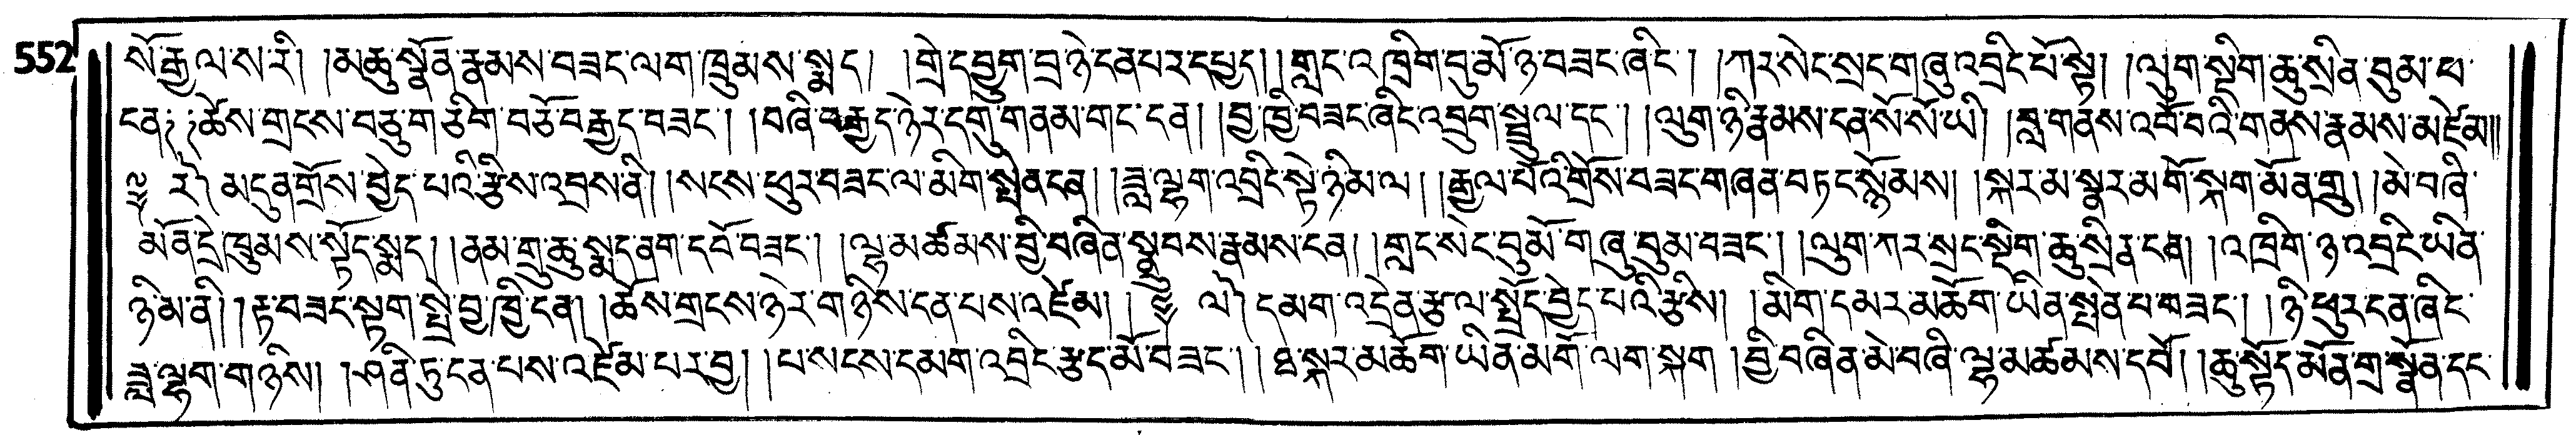སོ་རྒྱལ་ས་རི། །མཆུ་སྣོན་རྣམས་བཟང་ལག་ཁྲུམས་སྨད། །གྲེ་དབྱུག་བྲ་ཉེ་ངན་པར་དཔྱད། །གླང་འཁྲིག་བུ་མོ་ཉ་བཟང་ཞིང་། །ཀར་སེང་སྲང་བཞུ་འབྲིང་པོ་སྟེ། །ལུག་སྡིག་ཆུ་སྲིན་བུམ་པ་
ངན༑ ༑ཚེས་གྲངས་བཅུ་གཅིག་བཅོ་བརྒྱད་བཟང་། །བཞི་བརྒྱད་ཉེར་དགུ་གནམ་གང་ངན། །བྱ་ཁྱི་བཟང་ཞིང་འབྲུག་སྦྲུལ་དང་། །ལུག་ཉི་རྣམས་ངན་སོ་སོ་ཡི། །བླ་གནས་འབོ་བའི་གནས་རྣམས་མཛེམ། །
འ་ར་མདུན་གྲོས་བྱེད་པའི་རྩིས་འབྲས་ནི། །སངས་ཕུར་བཟང་ལ་མིག་སྤེན་ངན། །ཟླ་ལྷག་འབྲིང་སྟེ་ཉི་མ་ལ། །རྒྱལ་པོའི་གྲོས་བཟང་གཞན་བཏང་སྙོམས། །སྐར་མ་སྣར་མགོ་སྐག་མོན་གྲུ། །མེ་བཞི་
མོན་དྲེ་ཁྲུམས་སྟོད་སྨད། །ནམ་གྲུ་ཆུ་སྨད་ནག་དབོ་བཟང་། །ལྷ་མཚམས་བྱི་བཞིན་སྣྲུབས་རྣམས་ངན། །གླང་སེང་བུ་མོ་གཞུ་བུམ་བཟང་། །ལུག་ཀར་སྲང་སྡིག་ཆུ་སྲི་ངྣན། །འཁྲིག་ཉ་འབྲིང་ཡིན་
ཉི་མ་ནི། །རྟ་བཟང་སྟག་སྤྲེ་བྱ་ཁྱི་ངན། །ཆོས་གྲངས་ཉེར་གཉིས་ངན་པས་མཛེམ། ། འ་ལ་དམར་འདྲེན་རྩལ་སྤྲོད་བྱེད་པའི་རྩིས། །མིག་དམར་མཆོག་ཡིན་སྤེན་པ་བཟང་། །ཉི་ཕུར་ངན་ཞིང་
ཟླ་ལྷག་གཉིས། །ཤིན་ཏུ་ངན་པས་འཛེམ་པར་བྱ། །པ་སངས་དམག་འབྲིང་རྩད་མོ་བཟང་། །ཐ་སྐར་མཆོག་ཡིན་མགོ་ལག་སྐག །བྱི་བཞིན་མེ་བཞི་ལྷ་མཚམས་དབོ། །ཆུ་སྟོད་མོན་གྲ་སྣོན་དང་